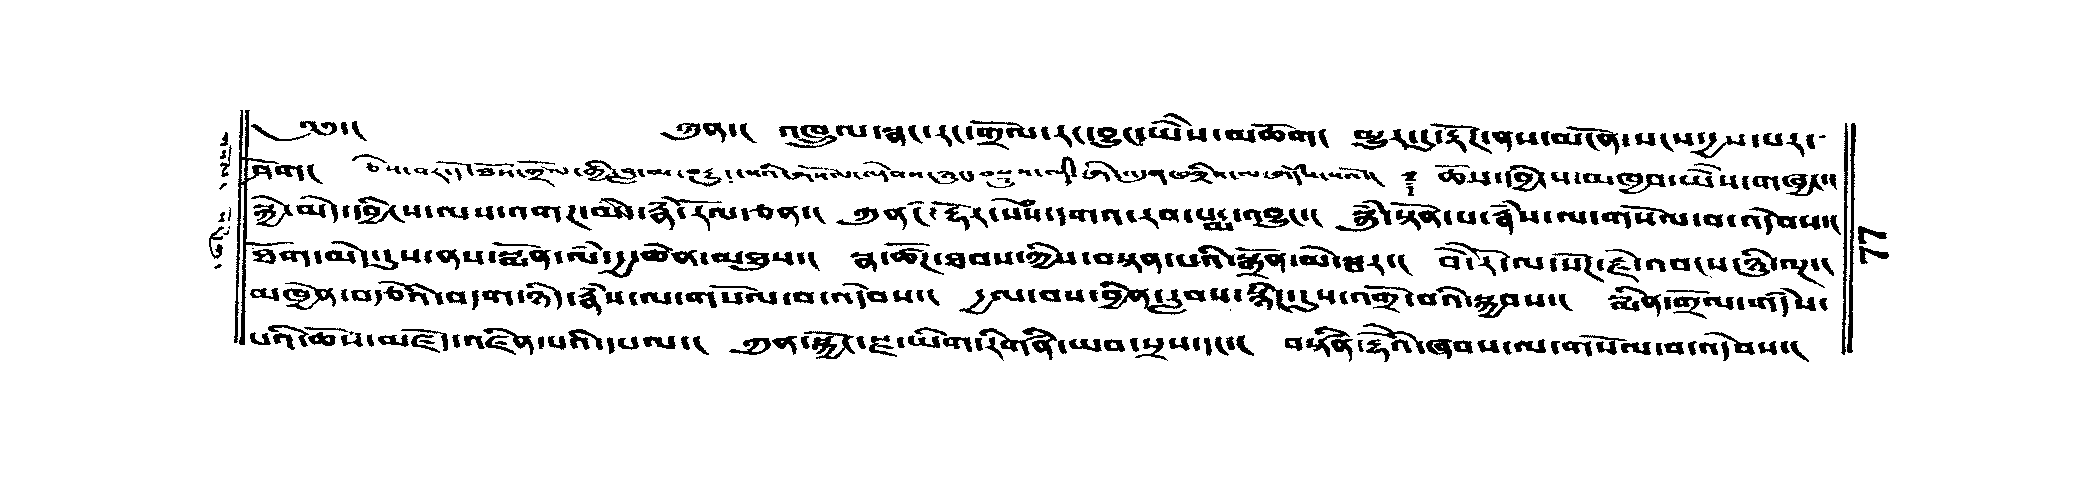ཀུན། །འཁྲུལ་སྣང་རང་གྲོལ་རང་བྱུང་ཡེ་ཤེས་མཆོག །མྱུར་དུ་རྟོགས་ནས་མངོན་སངས་རྒྱས་པར་
ཤོག། ཅེས་བར་དོ་ཐོས་གྲོལ་གྱི་བླ་མ་བརྒྱད་པའི་གསོལ་འདེབས་ཉུང་བསྡུས་འདི་དགེ་འདུན་བཀྲ་ཤིས་ལ་གདམས་པའོ།། ༈ ཆོས་དབྱིངས་མཁའ་ཁྱབ་ཡེ་ཤེས་གཞལ་ཡས་ཁང་། །
སྐྱེ་མེད་དབྱིངས་ལས་འགགས་མེད་རྣལ་རོལ་ཅན། །ཀུན་བཟང་རྡོར་སེམས་དགའ་རབ་པདྨ་འབྱུང་། །སྐུ་གསུམ་སྟོན་པ་རྣམས་ལ་གསོལ་བ་འདེབས། །
ཐོག་མེད་དུས་ནས་སྨོན་ལམ་རྒྱ་ཆེན་མཐུས། །སྣ་ཚོགས་ཐབས་ཀྱིས་བསྟན་པའི་སྒྲོན་མེ་སྦར། །བཻ་རོ་ལ་སོགས་རྗེ་འབངས་ཉི་ཤུ་ལྔ། །
མཁྱེན་བརྩེའི་བདག་ཉིད་རྣམས་ལ་གསོལ་བ་འདེབས། །རྒྱལ་བས་བྱིན་རླབས་སྙིགས་དུས་འགྲོ་བའི་སྐྱབས། །སྨིན་གྲོལ་གདམས་
པའི་ཆོས་མཛོད་འཛིན་པའི་དཔལ། །ཀུན་སྐྱོང་ཛ་ཡིག་རིག་འཛིན་ཡབ་སྲས་དང་། །བསྟན་འཛིན་རྡོ་རྗེའི་ཞབས་ལ་གསོལ་བ་འདེབས།